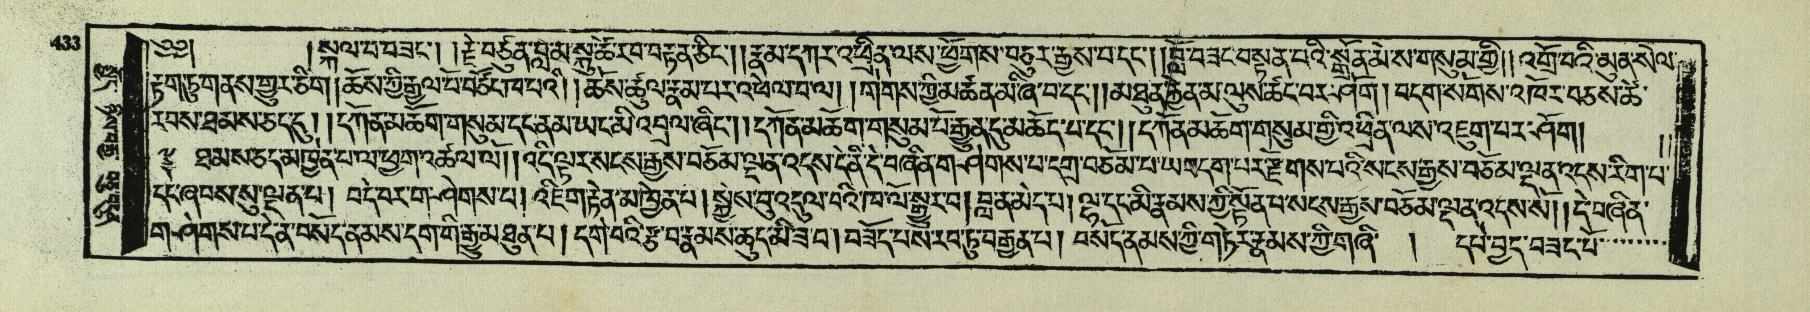༄༅། །སྐལ་བ་བཟང་། །རྗེ་བཙུན་བླ་མ་སྐུ་ཚེ་རབ་བརྟན་ཅིང་། །རྣམ་དཀར་འཕྲིན་ལས་ཕྱོགས་བཅུར་རྒྱས་པ་དང་། །བློ་བཟང་བསྟན་པའི་སྒྲོན་མེ་ས་གསུམ་གྱི། །འགྲོ་བའི་མུན་སེལ་
རྟག་ཏུ་གནས་གྱུར་ཅིག །ཆོས་ཀྱི་རྒྱལ་པོ་བཙོང་ཁ་པའི། །ཆོས་ཚུལ་རྣམ་པར་འཕེལ་བ་ལ། །གེགས་ཀྱི་མཚན་མ་ཞི་བ་དང་། །མཐུན་རྐྱེན་མ་ལུས་ཚང་བར་ཤོག །བདག་སོགས་འཁོར་བཅས་ཚེ་
རབས་ཐམས་ཅད་དུ། །དཀོན་མཆོག་གསུམ་དང་ནམ་ཡང་མི་འབྲལ་ཞིང་། །དཀོན་མཆོག་གསུམ་པོ་རྒྱུན་དུ་མཆོད་པ་དང་། །དཀོན་མཆོག་གསུམ་གྱི་འཕྲིན་ལས་འཇུག་པར་ཤོག། །།
འ་ཐམས་ཅད་མཁྱེན་པ་ལ་ཕྱག་འཚལ་ལོ། །འདི་ལྟར་སངས་རྒྱས་བཅོམ་ལྡན་འདས་དེ་ནི་དེ་བཞིན་གཤེགས་པ་དགྲ་བཅོམ་པ་ཡང་དག་པར་རྫོགས་པའི་སངས་རྒྱས་བཅོམ་ལྡན་འདས་རིག་པ་
དང་ཞབས་སུ་ལྡན་པ། བདེ་བར་གཤེགས་པ། འཇིག་རྟེན་མཁྱེན་པ། སྐྱེས་བུ་འདུལ་བའི་ཁ་ལོ་སྒྱུར་བ། བླ་ན་མེད་པ། ལྷ་དང་མི་རྣམས་ཀྱི་སྟོན་པ་སངས་རྒྱས་བཅོམ་ལྡན་འདས་སོ། །དེ་བཞིན་
གཤེགས་པ་དེ་ན་བསོད་ནམས་དག་གི་རྒྱུ་མཐུན་པ། དགེ་བའི་རྩ་བ་རྣམས་ཆུད་མི་ཟ་བ། བཟོད་པས་རབ་ཏུ་བརྒྱན་པ། བསོད་ནམས་ཀྱི་གཏེར་རྣམས་ཀྱི་གཞི། དཔེ་བྱད་བཟང་པོ་